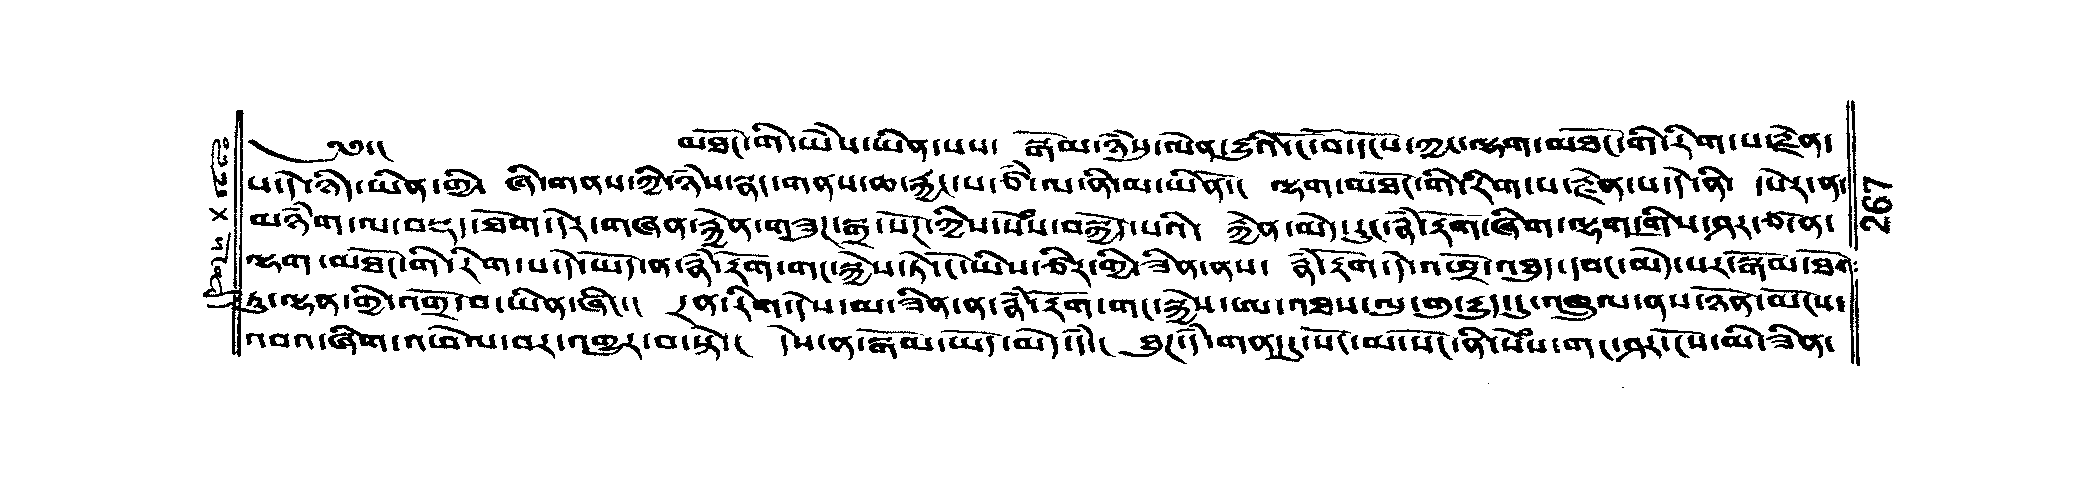མཐོང་གི་ཡེ་ཤེས་ཡིན་པས། སྒོམ་ཉམས་སུ་ལེན་རྒྱུའི་ངོ་བོ་དངོས་ཀྱང་ལྷག་མཐོང་གི་རིག་པ་རྗེན་
པ་དེ་ཉིད་ཡིན་གྱི། ཞི་གནས་ཀྱི་ཉམས་སྣང་གནས་ཆ་རྐྱང་པ་ཙམ་ལ་ནི་མ་ཡིན་ནོ། ལྷག་མཐོང་གི་རིག་པ་རྗེན་པ་དེ་ནི། དཔེར་ན་
མཉམ་གཞག་ལ་བསྡད་ཐོག་དེར་གཞན་རྐྱེན་གཟུགས་སྒྲ་སོགས་ཀྱི་སེམས་བསྐྱོད་པའི་རྐྱེན་མེད་རུང་རྣམ་རྟོག་ཞིག་ལྷག་གིས་ཤར་ཙ་ན་
ལྷག་མཐོང་གི་རིག་པ་དེ་ཡོད་ན་རྣམ་རྟོག་གང་སྐྱེས་ཏེ་ངོ་ཡིས་ཙིར་གྱི་ཟིན་ནས། རྣམ་རྟོག་དེ་འཕྲོ་འཐུད་དབང་མེད་པར་སྒོམ་ཐོག་
ཏུ་ལྷན་གྱི་འགྲོ་བ་ཡིན་ཞིང་། དྲན་རིག་དེས་མ་ཟིན་ན་རྣམ་རྟོག་གང་སྐྱེས་ཨ་འཐས་ལུ་གུ་རྒྱུད་དུ་འཁྲུལ་ནས་ཉོན་མོངས་
འབའ་ཞིག་འཕེལ་བར་འགྱུར་བ་སྟེ། དེ་ནས་སྒོམ་ཡོད་མེད་དམ། ཐུགས་དམ་གནད་དུ་སོང་མ་སོང་ནི་སེམས་གང་ཤར་ངོས་མི་ཟིན་